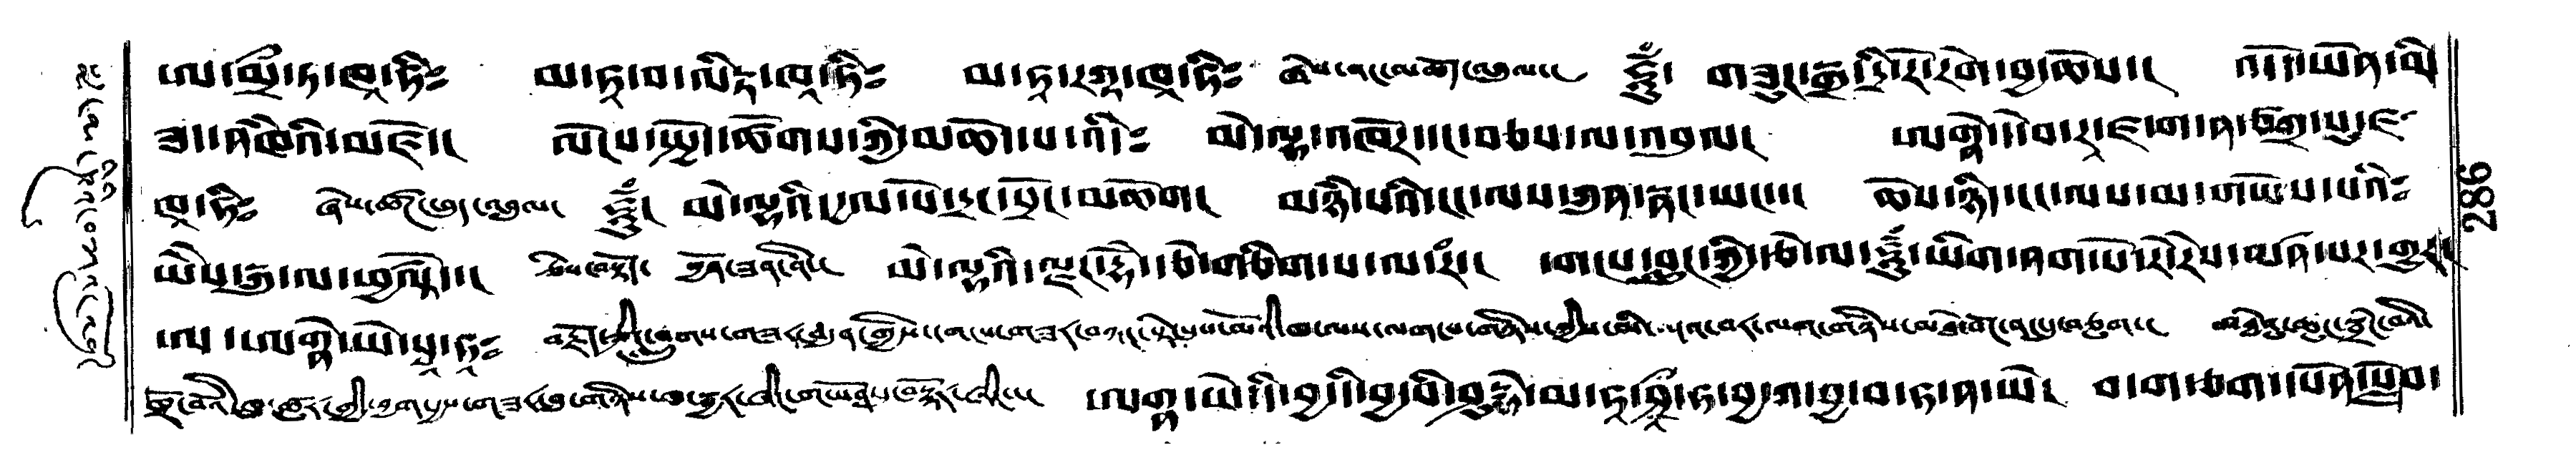ཨ་མྲྀ་ཏ་ཁཱ་ཧི༔ མ་ཧཱ་བ་ལིངྟ་ཁཱ་ཧི༔ མ་ཧཱ་རཀྟ་ཁཱ་ཧི༔ ཞེས་ནང་མཆོད་འབུལ། ཧཱུྃ༔ གཟུགས་སྒྲ་དྲི་རོ་རེག་བྱ་ཆོས༔ འདོད་ཡོན་མི་
ཟད་ནམ་འཁའི་མཛོད༔ལོངས་སྤྱོད་ཚོགས་ཀྱི་མཆོད་པ་འདི༔ མེ་ལྷ་འཁོར་དང་བཅས་ལ་འབུལ༔ ཨགྣེ་དྷེ་ཝ་རཱ་ཛ་གཱ་ན་ཙཀྲ་པུ་ཛ་
ཁཱ་ཧི༔ ཞེས་ཚོགས་ཕུད་འབུལ། ཧཱུྃ༔ མེ་ལྷའི་རྒྱལ་པོ་དྲང་སྲོང་མཆོག༔ མཉམ་པའི་ངང་ལས་ཀུན་སྣང་ཡངས༔ ཆོས་ཉིད་ངང་ལས་མ་གཡོས་པའི༔ 
ཡེ་ཤེས་སྐུ་ལ་ཕྱག་འཚལ་བསྟོད༔ ཅེས་བསྟོད། བྱོན་ཟན་ནི། མེ་ལྷའི་ལྗགས་རྡོ་རྗེ་རྩེ་གཅིག་པ་ལ་རཾ། དགངས་བླུགས་ཀྱི་རྩེ་ལ་ཧཱུྂ་ཡིག་ནག་པོ་རེ་རེས་མཚན་པར་གྱུར། 
ཨ་ཨགྣེ་ཡེ་སྭ་ཧཱཿ བརྗོད་ཅིང་བླུགས་གཟར་བདུན་གྱིས་དགང་གཟར་བཀང་སྟེ་པུས་མོའི་ཁ་ལས་ལག་པ་གཉིས་ཀྱིས་མི་འདའ་བར་ལག་གཉིས་མཐེ་བོང་ནང་དུ་བཅུག མཐེའུ་ཆུང་སྦྲེང་བའི་
ཁྲོ་བོའི་ཁུ་ཚུར་གྱི་ཕྱག་རྒྱས་གཟར་བུ་གཉིས་ཁ་སྦྱར་ནས་གཡོན་དུ་བསྐོར་ཞིང་། ཨགྣེ་ཡེ་དྷི་བྱ་དྷི་བྱ་བི་ཤུདྷེ་མ་ཧཱ་ཤྲཱྀ་ཧ་བྱ་ཀ་བྱ་བ་ཧ་ན་ཡེཿ བདག་ཅག་དཔོན་སློབ་